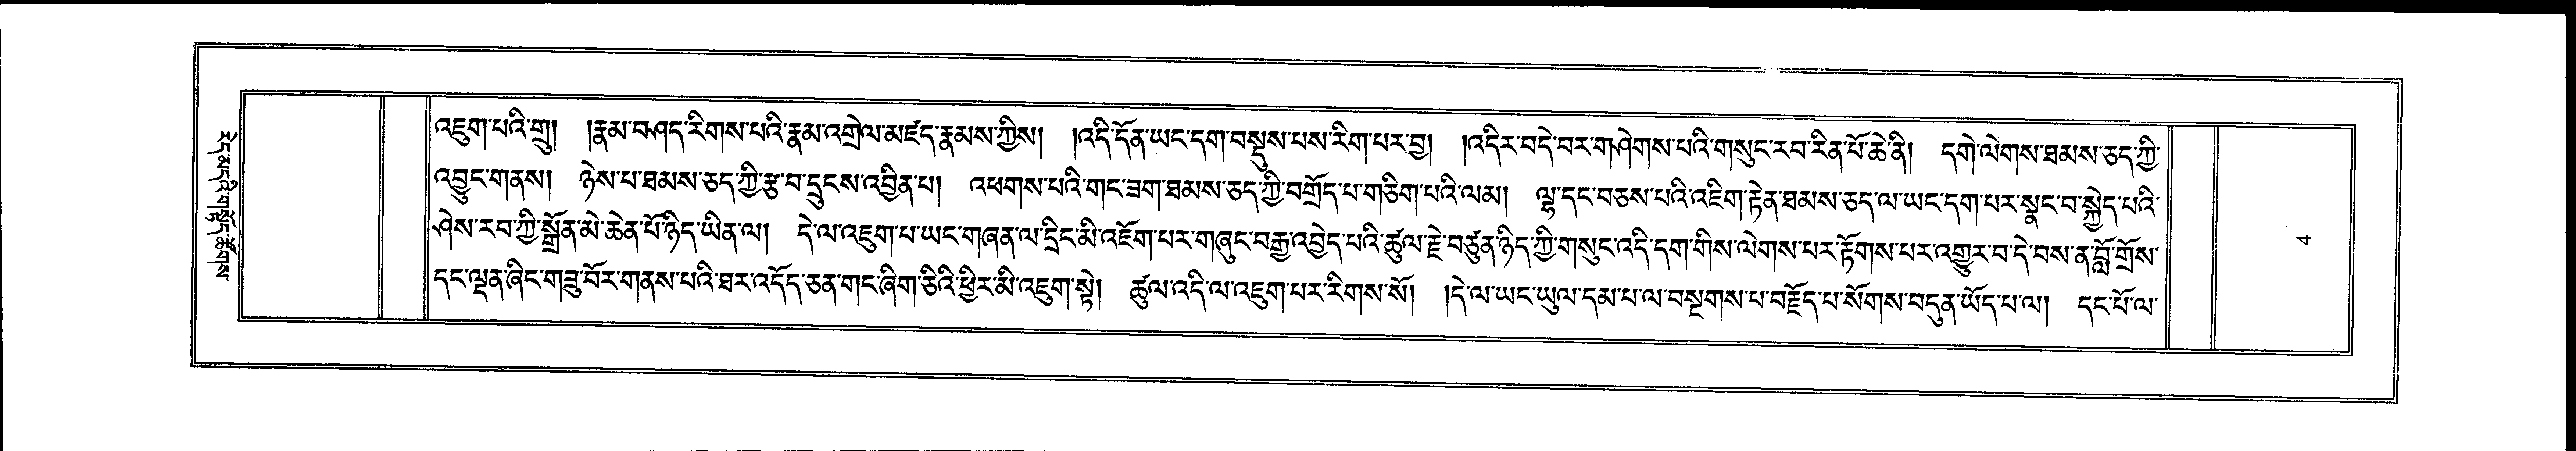འཇུག་པའི་གྲུ། །རྣམ་བཤད་རིགས་པའི་རྣམ་འགྲེལ་མཛད་རྣམས་ཀྱིས། །འདི་དོན་ཡང་དག་བསྡུས་པས་རིག་པར་བྱ། །འདིར་བདེ་བར་གཤེགས་པའི་གསུང་རབ་རིན་པོ་ཆེ་ནི། དགེ་ལེགས་ཐམས་ཅད་ཀྱི་
འབྱུང་གནས། ཉེས་པ་ཐམས་ཅད་ཀྱི་རྩ་བ་དྲུངས་འབྱིན་པ། འཕགས་པའི་གང་ཟག་ཐམས་ཅད་ཀྱི་བགྲོད་པ་གཅིག་པའི་ལམ། ལྷ་དང་བཅས་པའི་འཇིག་རྟེན་ཐམས་ཅད་ལ་ཡང་དག་པར་སྣང་བ་སྐྱེད་པའི་
ཤེས་རབ་ཀྱི་སྒྲོན་མེ་ཆེན་པོ་ཉིད་ཡིན་ལ། དེ་ལ་འཇུག་པ་ཡང་གཞན་ལ་དྲིང་མི་འཇོག་པར་གཞུང་བརྒྱ་འབྱེད་པའི་ཚུལ་རྗེ་བཙུན་ཉིད་ཀྱི་གསུང་འདི་དག་གིས་ལེགས་པར་རྟོགས་པར་འགྱུར་བ་དེ་བས་ན་བློ་གྲོས་
དང་ལྡན་ཞིང་གཟུ་བོར་གནས་པའི་ཐར་འདོད་ཅན་གང་ཞིག་ཅིའི་ཕྱིར་མི་འཇུག་སྟེ། ཚུལ་འདི་ལ་འཇུག་པར་རིགས་སོ། །དེ་ལ་ཡང་ཡུལ་དམ་པ་ལ་བསྔགས་པ་བརྗོད་པ་སོགས་བདུན་ཡོད་པ་ལ། དང་པོ་ལ་